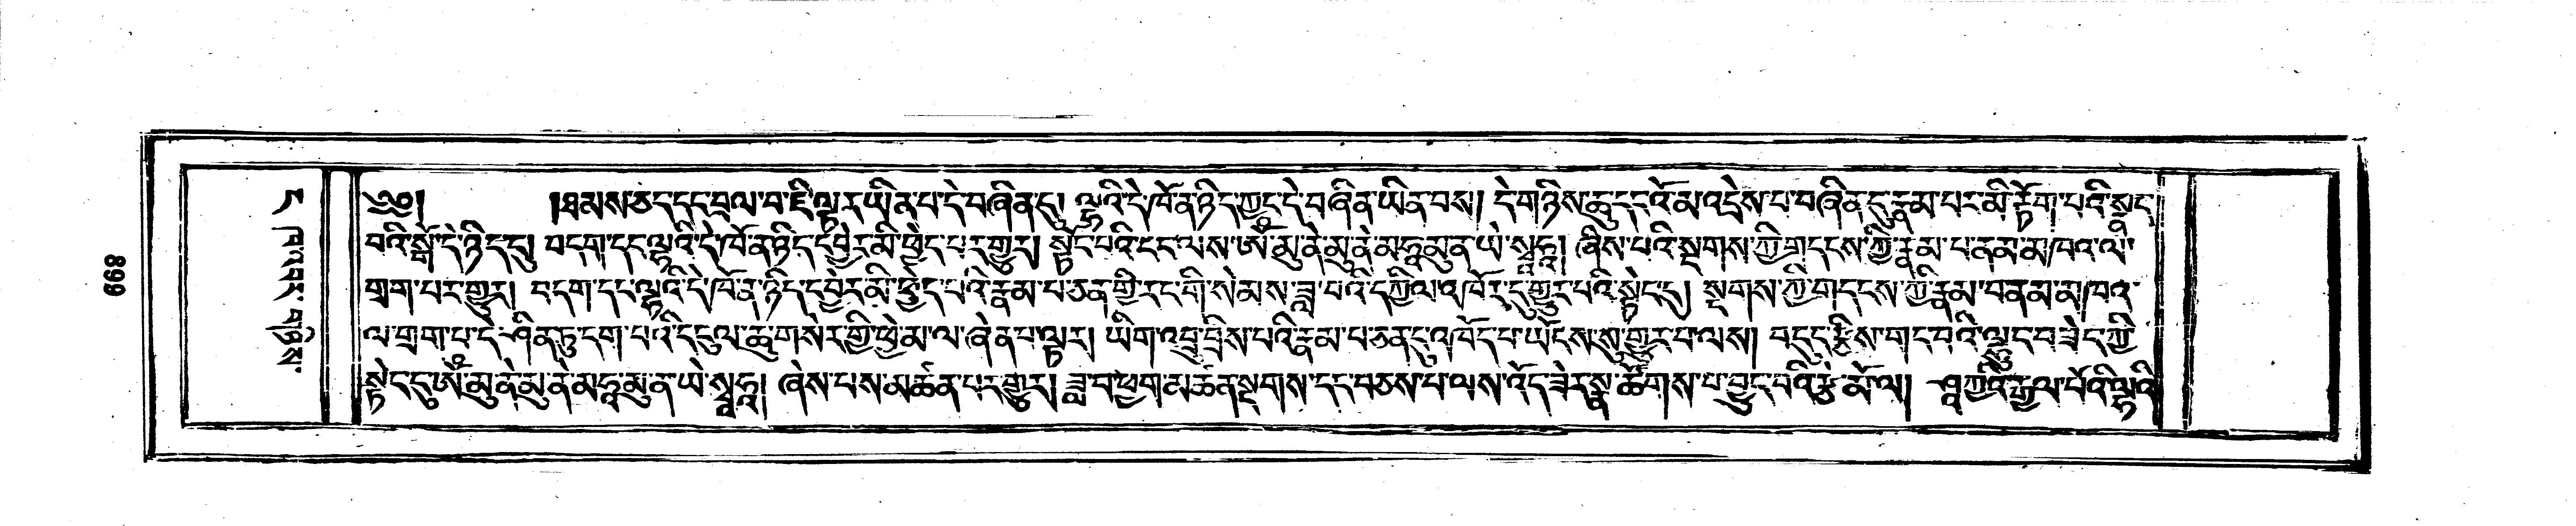༄༅། །ཐམས་ཅད་དང་བྲལ་བ་ཇི་ལྟར་ཡིན་པ་དེ་བཞིན་དུ། ལྷའི་དེ་ཁོ་ན་ཉིད་ཀྱང་དེ་བཞིན་ཡིན་པས། དེ་གཉིས་ཆུ་དང་འོ་མ་འདྲེས་པ་བཞིན་དུ་དམ་པོར་མི་རྟོག་པའི་སྣང་
བའི་སྒོ་དེ་ཉིད་དུ། བདག་དང་ལྷའི་དེ་ཁོ་ན་ཉིད་དབྱེར་མི་ཕྱེད་པར་གྱུར། སྟོང་པའི་ངང་ལས་ཨོཾ་མུ་ནེ་མུ་ནེ་མཧཱ་མུ་ན་ཡེ་སྭཱཧཱ། ཞེས་པའི་སྔགས་ཀྱི་གདངས་ཀྱི་རྣམ་པ་ནམ་མཁའ་ལ་
གྲག་པར་གྱུར། བདག་དང་ལྷའི་དེ་ཁོ་ན་ཉིད་དབྱེར་མི་ཕྱེད་པའི་རྣམ་པ་ཅན་གྱི་རང་གི་སེམས་ཟླ་བའི་དཀྱིལ་འཁོར་དུ་གྱུར་པའི་སྟེང་དུ། སྔགས་ཀྱི་གདངས་ཀྱི་རྣམ་པ་ནམ་མཁའ་
ལ་གྲག་པ་དེ་ཤིན་ཏུ་དག་པའི་དངུལ་ཆུ་གསེར་གྱི་ཕྱེ་མ་ལ་ཞེན་པ་ལྟར། ཡིག་འབྲུ་བྲིས་པའི་རྣམ་པ་ཅན་དུ་འཁོད་པ་ཡོངས་སུ་གྱུར་པ་ལས། བདུད་རྩིས་གང་བའི་ལྷུང་བཟེད་ཀྱི་
སྟེང་དུ་ཨོཾ་མུ་ནེ་མུ་ནེ་མཧཱ་མུ་ན་ཡེ་སྭཱཧཱ། ཞེས་པས་མཚན་པར་གྱུར། ཟླ་བ་ཕྱག་མཚན་སྔགས་དང་བཅས་པ་ལས་འོད་ཟེར་སྣ་ཚོགས་པ་བྱུང་བའི་རྩེ་མོ་ལ། ཤཱཀྱའི་རྒྱལ་པོའི་ལྷའི་